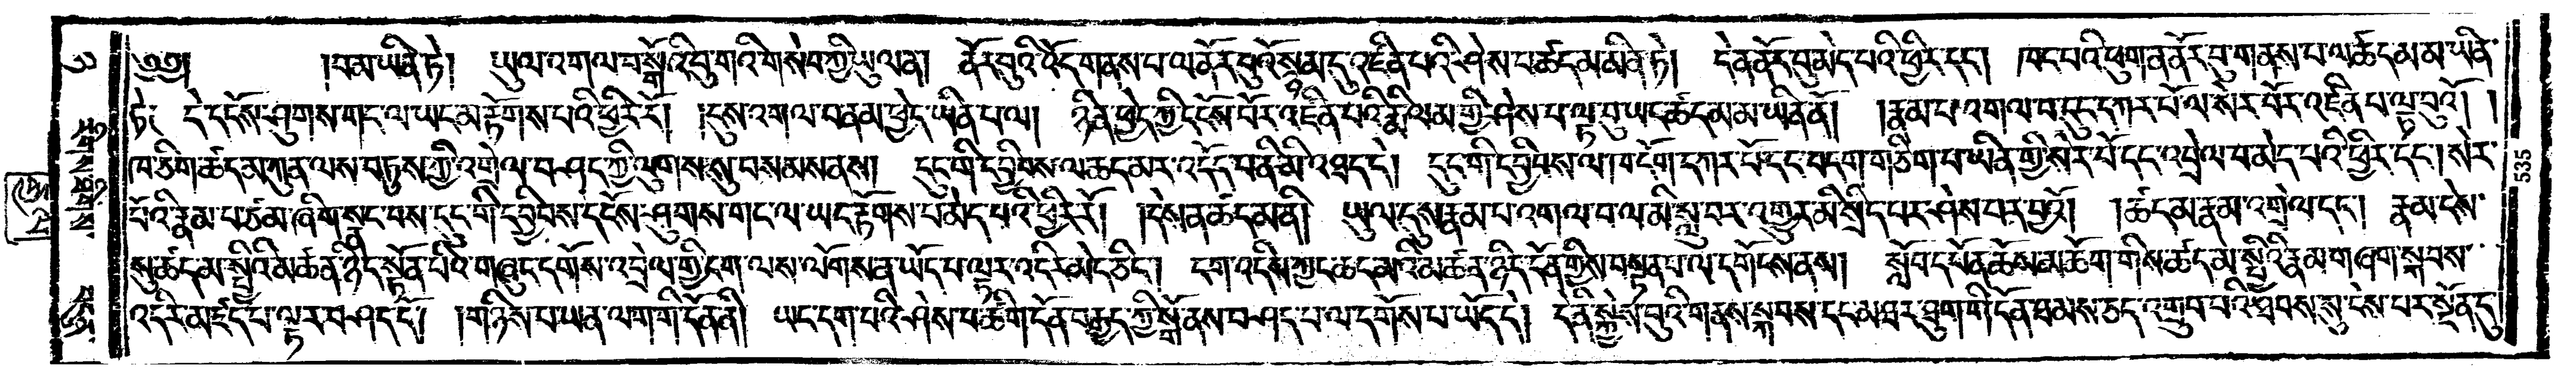༄༅། །བ་མ་ཡིན་ཏེ། ཡུལ་འགལ་བསྒོའི་བུ་གའི་གསེབ་ཀྱི་ཡུལ་ན། ནོར་བུའི་འོད་གནས་པ་ལ་ནོར་བུའི་སྙམ་དུ་འཛིན་པའི་ཤེས་པ་ཚད་མ་མིན་ཏེ། དེ་ན་ནོར་བུ་མེད་པའི་ཕྱིར་དང་། ཁང་བའི་ཕུག་ན་ནོར་བུ་གནས་པ་ལ་ཚད་མ་མ་ཡིན་
ཏེ༑ དེ་དངོས་ཤུགས་གང་ལ་ཡང་མ་རྟོགས་པའི་ཕྱིར་རོ། །དུས་འགལ་བ་ནམ་ཕྱེད་ཡིན་པ་ལ། ཉིན་ཕྱེད་ཀྱི་དངོས་པོར་འཛིན་པའི་རྨི་ལམ་གྱི་ཤེས་པ་ལྟ་བུ་ཡང་ཚད་མ་མ་ཡིན་ནོ། །རྣམ་པ་འགལ་བ་དུང་དཀར་པོ་ལ་སེར་བོར་འཛིན་པ་ལྟ་བུའོ། །
ཁ་ཅིག་ཚད་མ་ཀུན་ལས་བཏུས་ཀྱི་འགྲེལ་བཤད་ཀྱི་ལུགས་སུ་བསམས་ནས། དུང་གི་དབྱིབས་ལ་ཆད་མར་འདོད་བ་ནི་མི་འཐད་དེ། དུང་གི་དབྱིབས་ལ་ཁ་དོག་དཀར་པོ་དང་བདག་གཅིག་པ་ཡིན་གྱི་སེར་པོ་དང་འབྲེལ་བ་མེད་པའི་ཕྱིར་དང་། སེར་
པོའི་རྣམ་པ་ཙམ་ཞིག་སྣང་བས་དུང་གི་དབྱིབས་དངོས་ཤུགས་གང་ལ་ཡང་རྟོགས་པ་མེད་པའི་ཕྱིར་རོ། །དེས་ན་ཚད་མ་ནི། ཡུལ་དུས་རྣམ་པ་འགལ་བ་ལ་མི་སླུ་བར་འགྱུར་མི་སྲིད་པར་ཤེས་པར་བྱའོ། །ཚད་མ་རྣམ་འགྲེལ་དང་། རྣམ་ངེས་
སུ་ཚད་མ་སྤྱིའི་མཚན་ཉིད་སྟོན་པའི་གཞུང་དགོས་འབྲེལ་གྱི་ངག་ལས་ལོགས་ན་ཡོད་པ་ལྟར་འདིར་མེད་ཅིང་། དག་འདིས་ཀྱང་ཆད་མའི་མཚན་ཉིད་དོན་གྱིས་བསྟན་པ་ལ་དགོངས་ནས། སློབ་དཔོན་ཆོས་མཆོག་གིས་ཚད་མ་སྤྱིའི་རྣམ་གཞག་སྐབས་
འདིར་མཛད་པ་ལྟར་བཤད་དོ། །གཉིས་པ་ཡན་ལག་གི་དོན་ནི། ཡང་དག་པའི་ཤེས་པ་ཚིག་དོན་བརྒྱད་ཀྱི་སྒོ་ནས་བཤད་པ་ལ་དགོས་པ་ཡོད་དེ། དེ་ནི་སྐྱེས་བུའི་གནས་སྐབས་དང་མཐར་ཐུག་གི་དོན་ཐམས་ཅད་འགྲུབ་པའི་ཐབས་སུ་ངེས་པར་སྔོན་དུ་